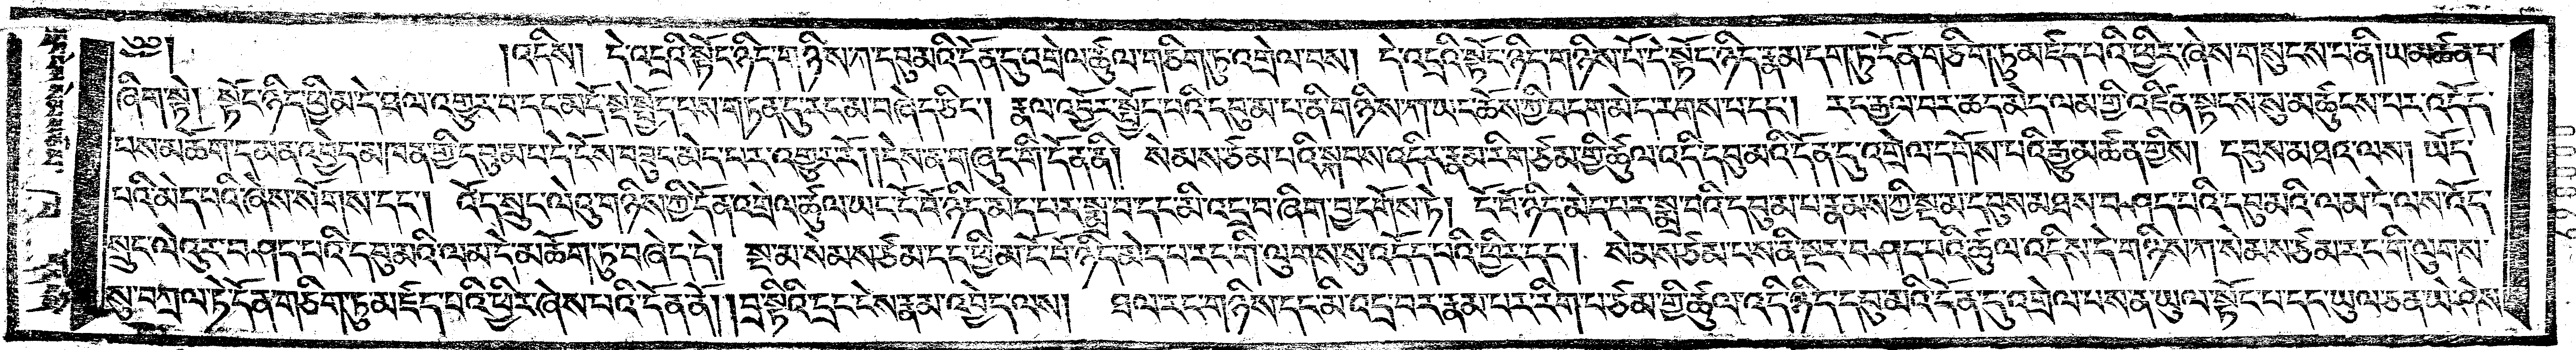༄༅། །འདིས། དེ་འདྲའི་སྟོང་ཉིད་གཉིས་ཀ་དབུ་མའི་དོན་དུ་འགྲེལ་ཚུལ་གཅིག་ཏུ་འགྲེལ་བས། དེ་འདྲའི་སྟོང་ཉིད་གཉིས་པོ་དེ་སྟོང་ཉིད་རྣམ་དག་ཏུ་དོན་གཅིག་ཏུ་མཛད་པའི་ཕྱིར་ཞེས་གསུངས་པ་ནི། ཡ་མཚན་པ་
ཞིག་སྟེ། སྟོང་ཉིད་ཕྱི་མ་དེ་ཐལ་འགྱུར་བ་དང་མདོ་སྡེ་སྤྱོད་པས་གཏན་དུ་རང་མ་བཞེད་ཅིང་། རྣལ་འབྱོར་སྤྱོད་པའི་དབུ་མ་པ་ནི་གཉིས་ཀ་ཡང་ཆོས་ཀྱི་བདག་མེད་རགས་པ་དང་། རང་རྒྱལ་བར་ཆད་མེད་ལམ་གྱི་འཛིན་སྟངས་སུ་མཚུངས་པར་འདོད་
པས་མཆོག་དམན་འབྱེད་མཁན་གྱི་དབུ་མ་པ་དེ་ངོས་བཟུང་མེད་པར་འགྱུར་རོ། །དེས་ན་གཞུང་གི་དོན་ནི། སེམས་ཙམ་པའི་སྐབས་འདིར་རྣམ་རིག་ཙམ་གྱི་ཚུལ་འདི་དབུ་མའི་དོན་དུ་འགྲེལ་དགོས་པའི་རྒྱུ་མཚན་གྱིས། དབུས་མཐའ་ལས། ཡོད་
པའི་མེད་པའི་ཞེས་སོགས་དང་། འོད་སྲུང་ལེའུ་གཉིས་ཀྱི་དོན་འགྲེལ་ཚུལ་ཡང་ངོ་བོ་ཉིད་མེད་པར་སྨྲ་བ་དང་མི་འདྲ་བ་ཞིག་བྱ་དགོས་ཏེ། ངོ་བོ་ཉིད་མེད་པར་སྨྲ་བའི་དབུ་མ་པ་རྣམས་ཀྱི་སྔ་མ་དབུས་མཐས་བཤད་པའི་དབུ་མའི་ལམ་དེ་ལས་འོད་
སྲུང་ལེའུར་བཤད་པའི་དབུ་མའི་ལམ་དེ་མཆོག་ཏུ་བཞེད་དེ། སྔ་མ་སེམས་ཙམ་དང་ཕྱི་མ་ངོ་བོ་ཉིད་མེད་པ་རང་གི་ལུགས་སུ་འདོད་པའི་ཕྱིར་དང་། སེམས་ཙམ་པས་ནི་སྔར་བཤད་པའི་ཚུལ་འདིས་དེ་གཉིས་ཀ་སེམས་ཙམ་རང་གི་ལུགས་
སུ་བཀྲལ་ཏེ་དོན་གཅིག་ཏུ་མཛད་པའི་ཕྱིར་ཞེས་པའི་དོན་ནོ། །བྲ་སྟིའི་དྲང་ངེས་རྣམ་འབྱེད་ལས། ཐལ་རང་གཉིས་དང་མི་འདྲ་བར་རྣམ་པར་རིག་པ་ཙམ་གྱི་ཚུལ་འདི་ཉིད་དབུ་མའི་དོན་དུ་འགྲེལ་པས་ན་ཡུལ་སྟོང་པ་དང་ཡུལ་ཅན་ཡེ་ཤེས་